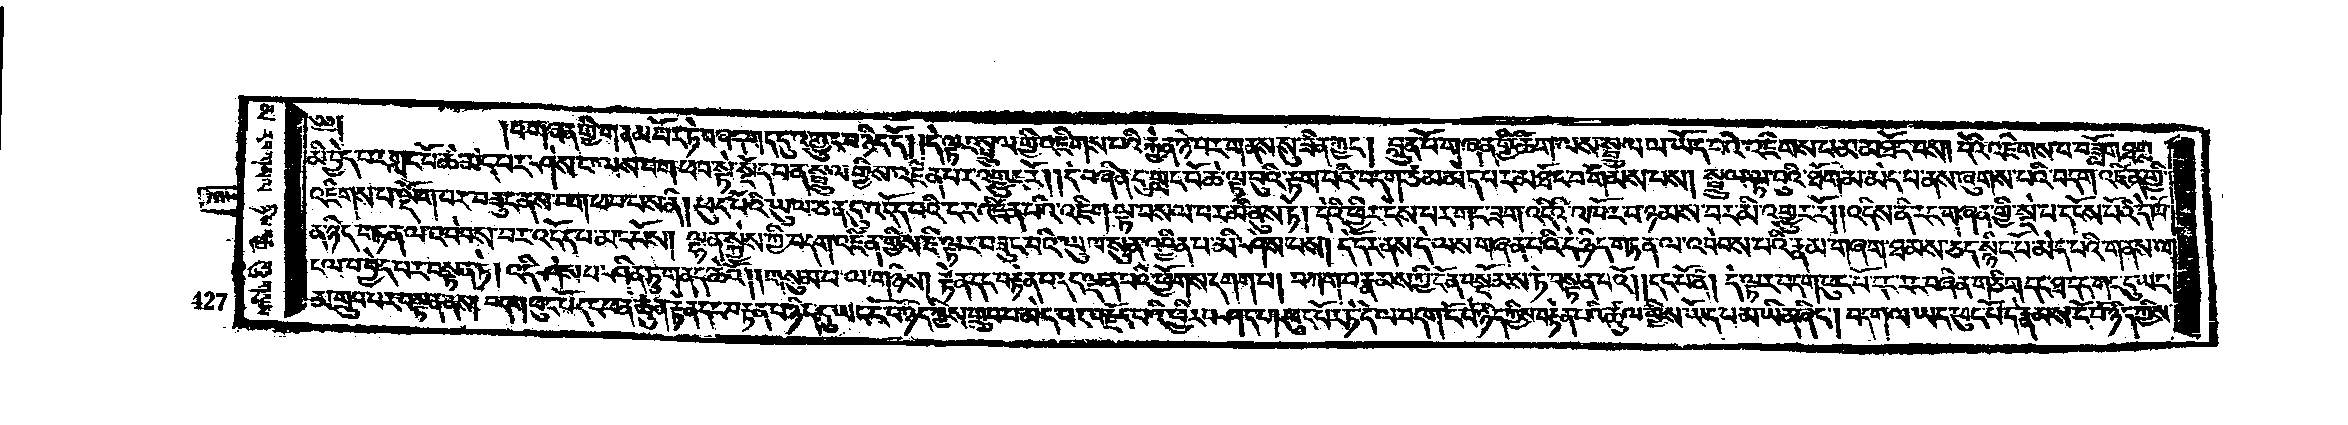༄༅། །པ་གཞན་གྱི་གནམ་པོར་ཏེ་བཞད་གད་དུ་འགྱུར་བ་ཉིད་དོ། །དེ་ལྟར་སྤྲུལ་གྱི་འཇིགས་པའི་རྐྱེན་ཉེ་བར་གནས་སུ་ཟིན་ཀྱང་། བླུན་པོ་གཞན་གྱི་ཚིག་ལས་སྦྲུལ་ལ་ཡོད་པའི་འཇིགས་པ་མ་མཐོང་བས། དེའི་འཇིགས་པ་བཟློག་ཐབས་
མི་བྱེད་པར་གླང་པོ་ཆེ་མེད་པར་ཤེས་པ་ལས་བག་ཕབ་སྟེ་སྡོད་པ་ན་སྦྲུལ་གྱིས་འཛིན་པར་འགྱུར་རོ། །དེ་བཞིན་དུ་གླང་པོ་ཆེ་ལྟ་བུའི་རྟག་པའི་བདག་ཙམ་མེད་པར་མཐོང་བ་གོམས་པས། སྦྲུལ་ལྟ་བུའི་ཐོག་མ་མེད་པ་ནས་ཞུགས་པའི་བདག་འཛིན་གྱི་
འཇིགས་པ་ལྡོག་པ་བཟུང་ནས་བག་ཕབ་པས་ནི། ཕུང་པོའི་ཡུལ་ཅན་དུ་འདོད་པའི་ངར་འཛིན་པའི་འཇིག་ལྟ་བསལ་བར་མི་ནུས་ཏེ། དེའི་ཕྱིར་ངེས་པར་གང་ཟག་འདིའི་འཁོར་བ་ཉམས་བར་མི་འགྱུར་རོ། །འདིས་ནི་རང་གཞན་གྱི་སྡེ་པ་དངོས་པོའི་དེ་ཁོ་
ན་ཉིད་གཏན་ལ་འབེབས་པར་འདོད་པ་མང་པོས། ལྷན་སྐྱེས་ཀྱི་བདག་འཛིན་གྱིས་ཇི་ལྟར་བཟུང་བའི་ཡུལ་སུན་འབྱིན་པ་མི་ཤེས་པས། དེ་དོར་ནས་དེ་ལས་གཞན་པའི་དེ་ཉིད་གཏན་ལ་འབེབས་པའི་རྣམ་གཞག་ཐམས་ཅད་སྙིང་པོ་མེད་པའི་གནས་ལ་
ངལ་བ་བྱེད་པར་བསྟན་ཏེ། འདི་ཤེས་པ་ཤིན་ཏུ་གནད་ཆེའོ། །གསུམ་པ་ལ་གཉིས། རྟེན་དང་བརྟེན་པ་དང་ལྡན་པའི་ཕྱོགས་དགག་པ། བཀག་པ་རྣམས་ཀྱི་དོན་བསྡོམས་ཏེ་བསྟན་པའོ། །དང་པོ་ནི། དེ་ལྟར་བདག་ཕུང་པོ་དང་རང་བཞིན་གཅིག་དང་ཐ་དད་གང་དུ་ཡང་
མ་གྲུབ་པར་བསྟན་ནས། བདག་ཕུང་པོ་དང་ཕན་ཚུན་རྟེན་དང་བརྟན་པ་ཉིད་དུ་ཡང་ངོ་བོ་ཉིད་ཀྱིས་གྲུབ་པ་མེད་པར་བརྗོད་པའི་ཕྱིར་བཤད་པ། ཕུང་པོར་ཏེ་དེ་ལ་བདག་ངོ་བོ་ཉིད་ཀྱིས་བརྟེན་པའི་ཚུལ་གྱིས་ཡོད་པ་མ་ཡིན་ཞིང་། བདག་ལ་ཡང་ཕུང་པོ་དེ་རྣམས་ངོ་བོ་ཉིད་ཀྱིས་